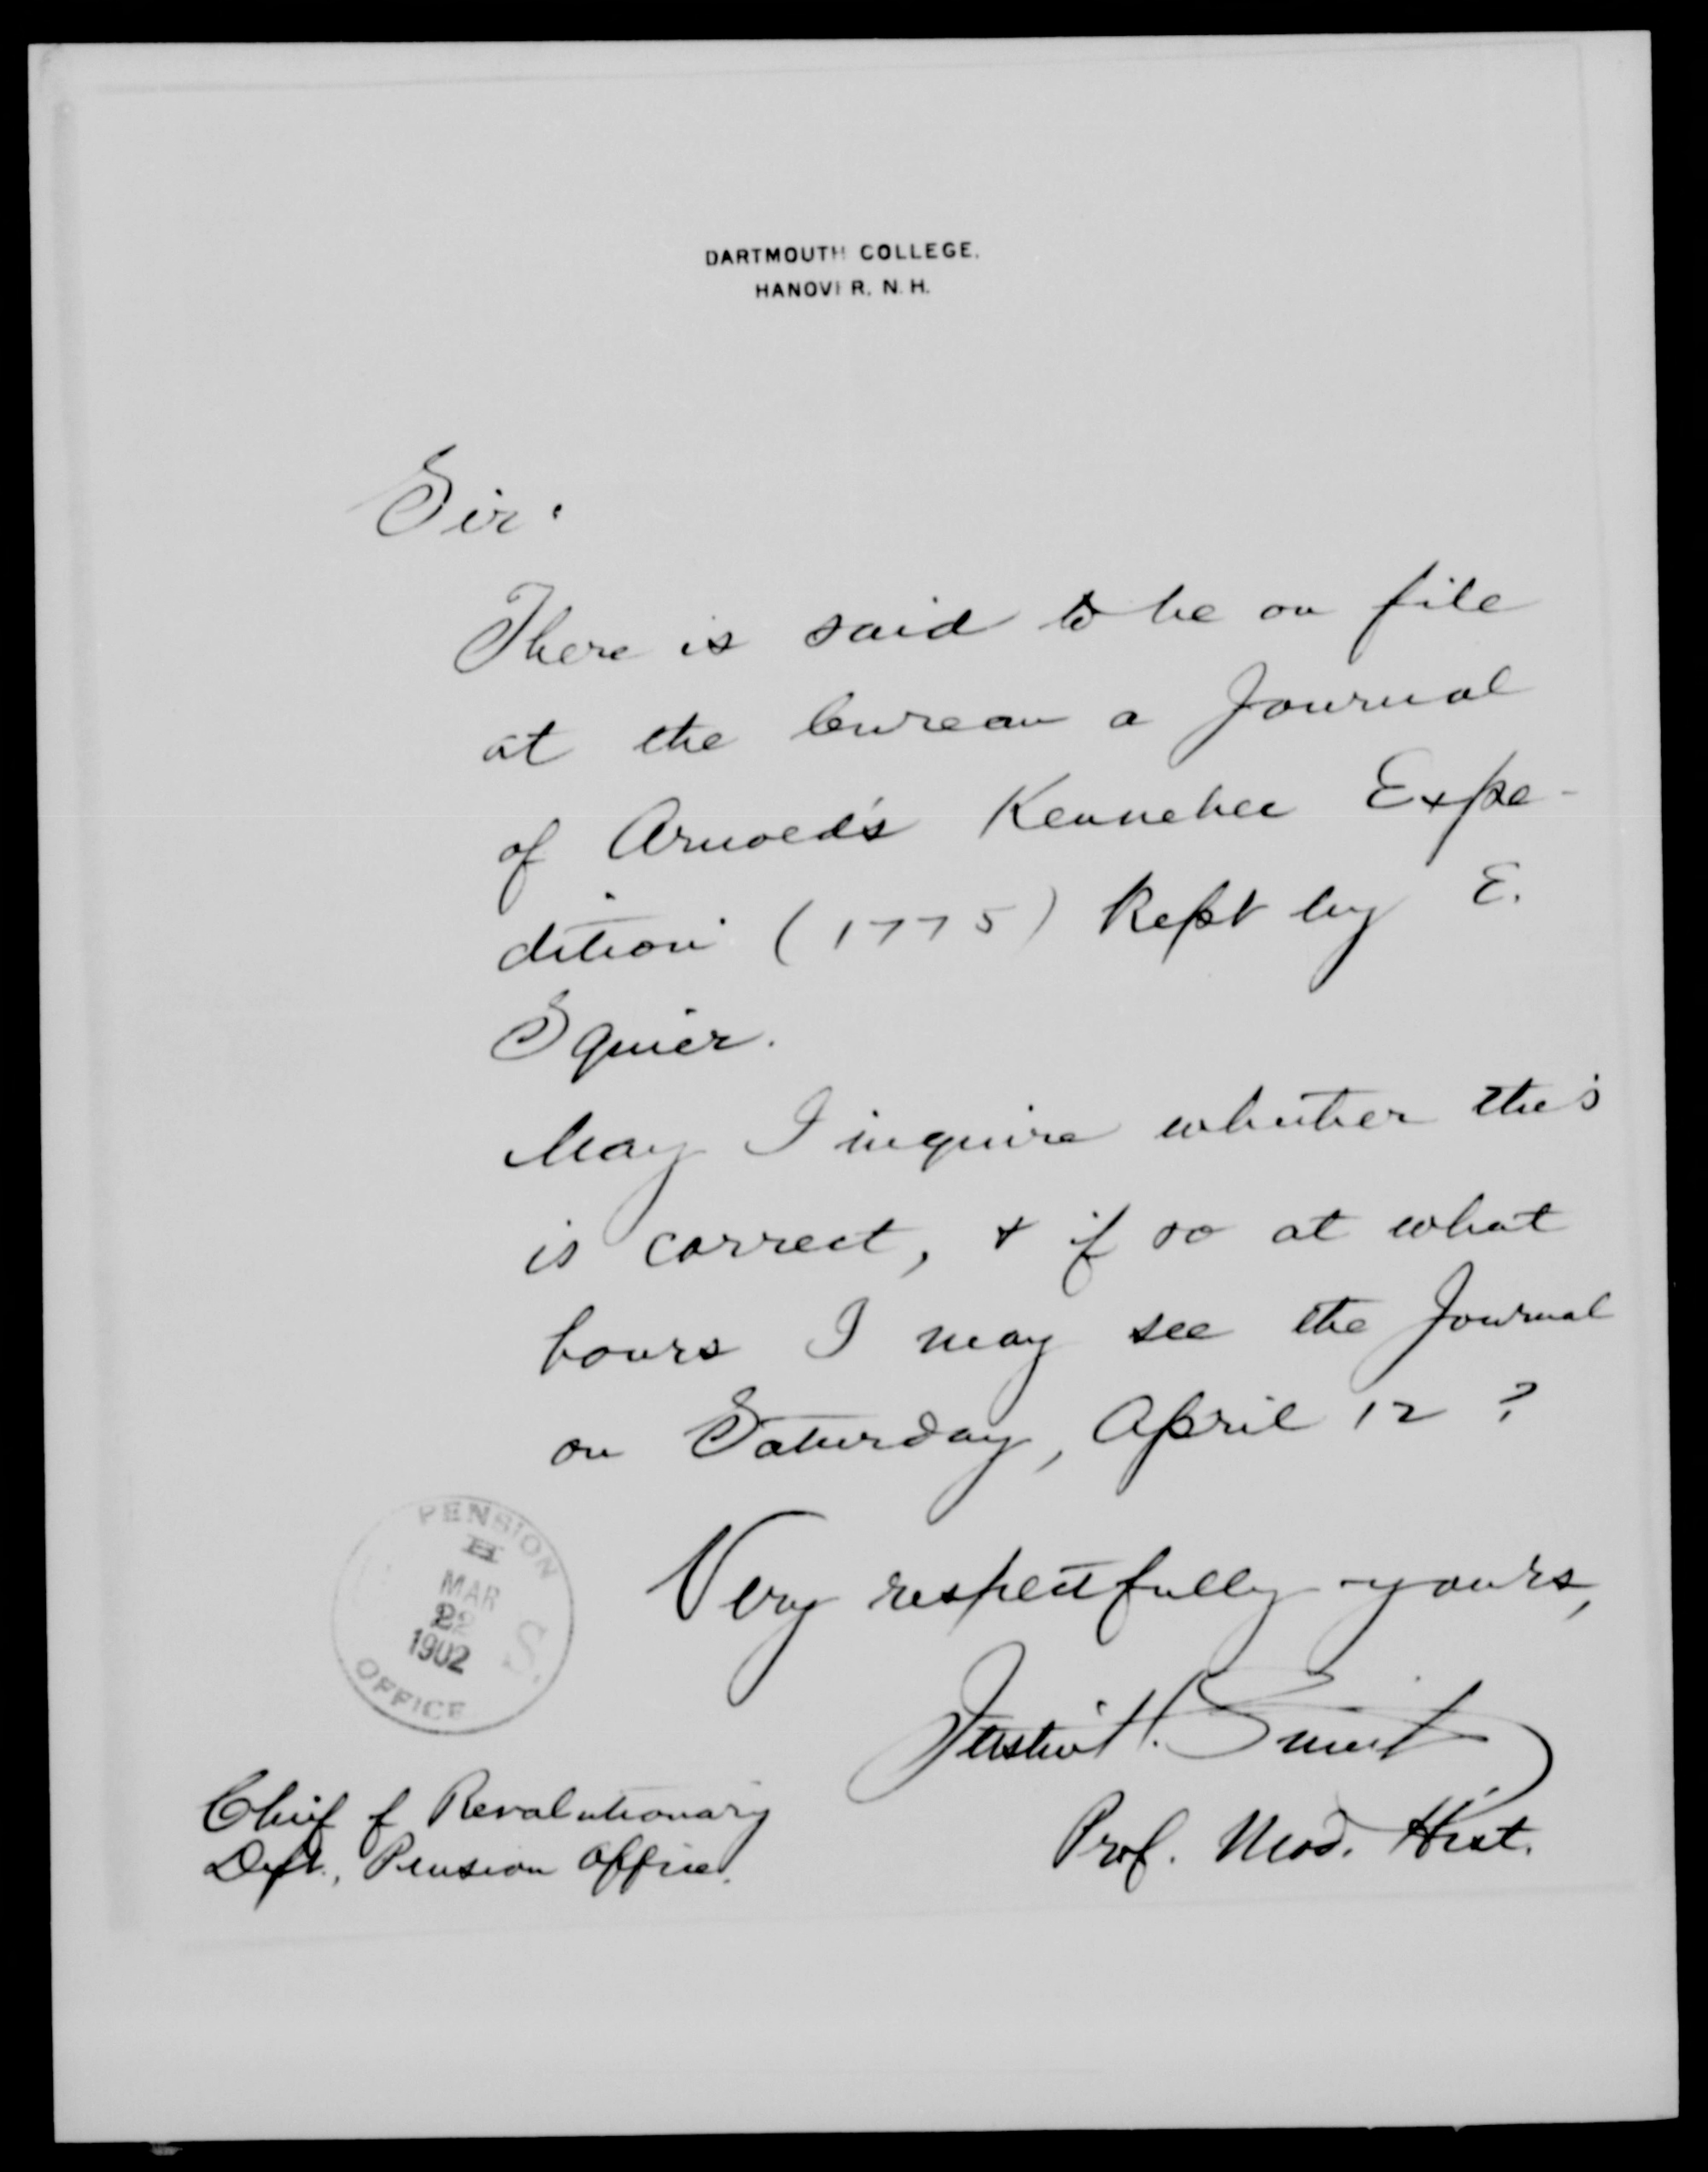Dartmouth College
Hannover N.H.

Sir, 
There is said to be on file at the bureau a Journal of Arnold's Kennebec Expedition (1775) kept by E. Squier. 
May I inquire whether this is correct, & if so at what hours I may see the journal on Saturday, April 12?

Very Respectfully yours,
Justice H Smith.
Prof. [illegible] Hist.

Chief of Revolutionary Dept. Pension office. 

*Pension office stamp Mar. 22 1902*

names: Justice H Smith; E Squier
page: 35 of 70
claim: rejected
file: R. 10,026, for Ephraim Squier, Connecticut